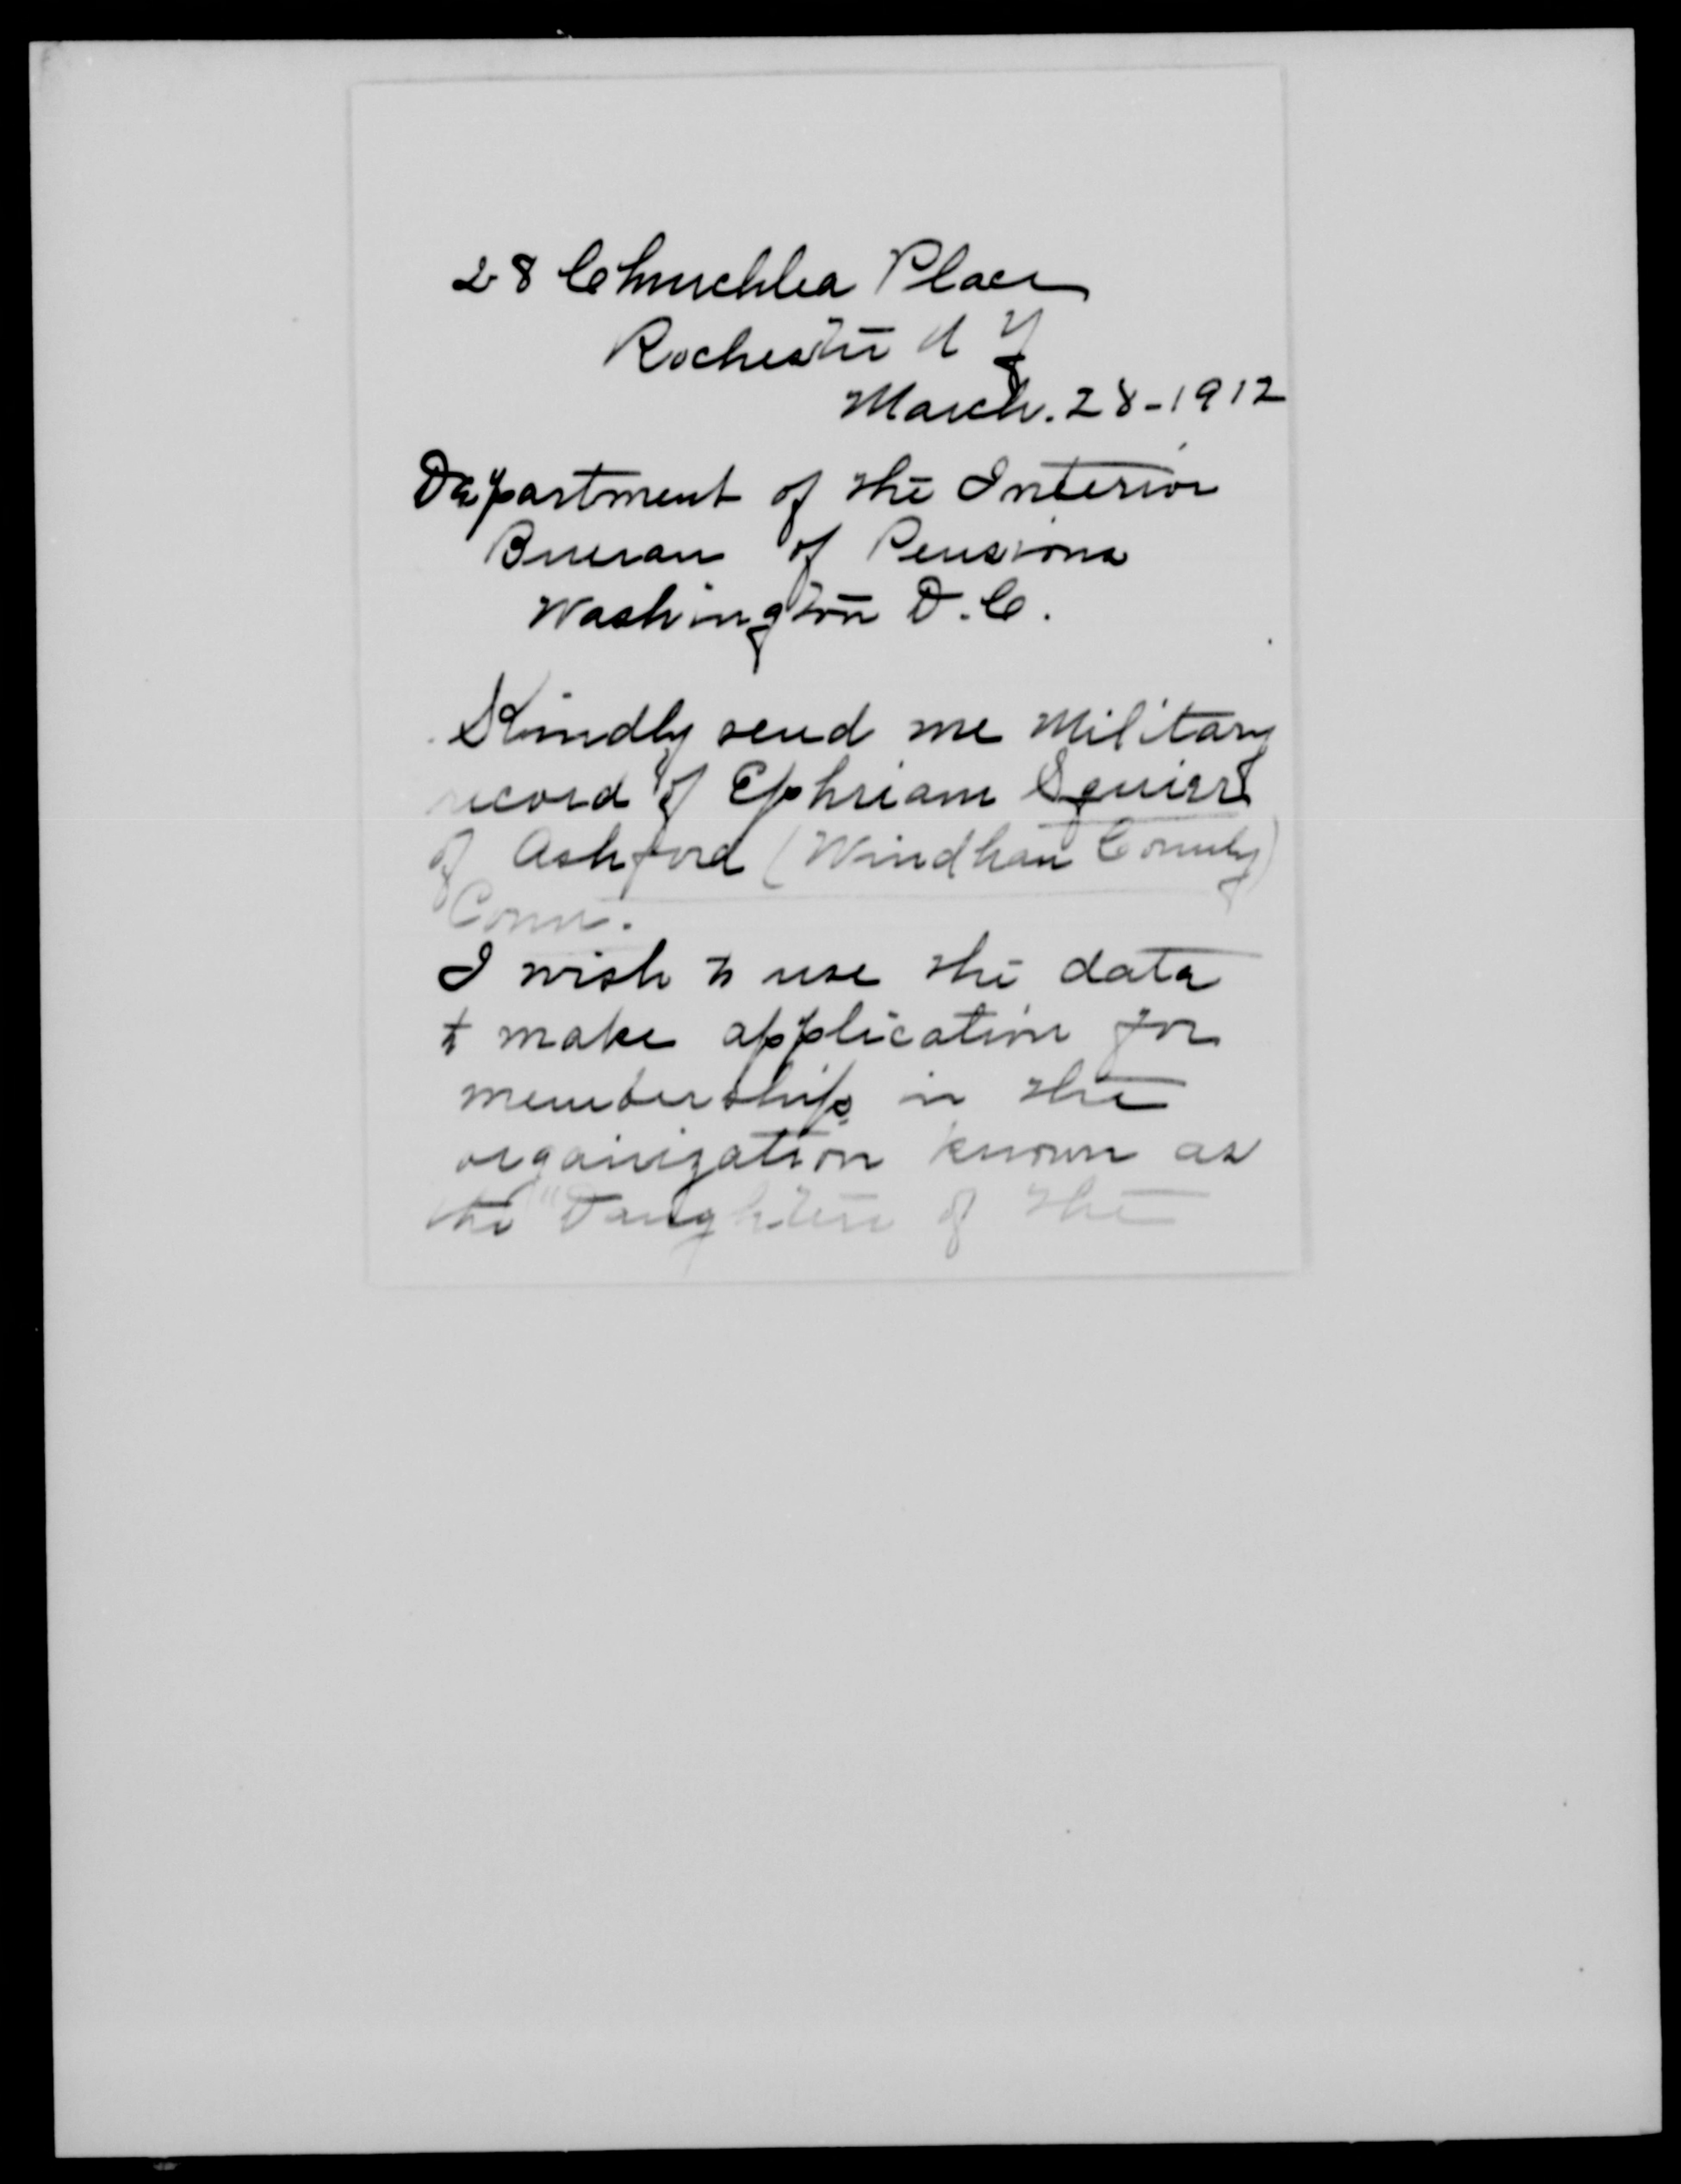28 Chuchlia Place
Rochester, N.Y
March 28, 1912

Department of the Interior
Bureau of Pensions
Washington D.C.

Kindly send me Military record of Ephriam Squier fo Ashford (Windham County) Conn. 
I wish to use this data to make application for membership in the organization knows as the Daughter of the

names: Ephriam Squier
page: 40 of 70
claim: rejected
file: R. 10,026, for Ephraim Squier, Connecticut